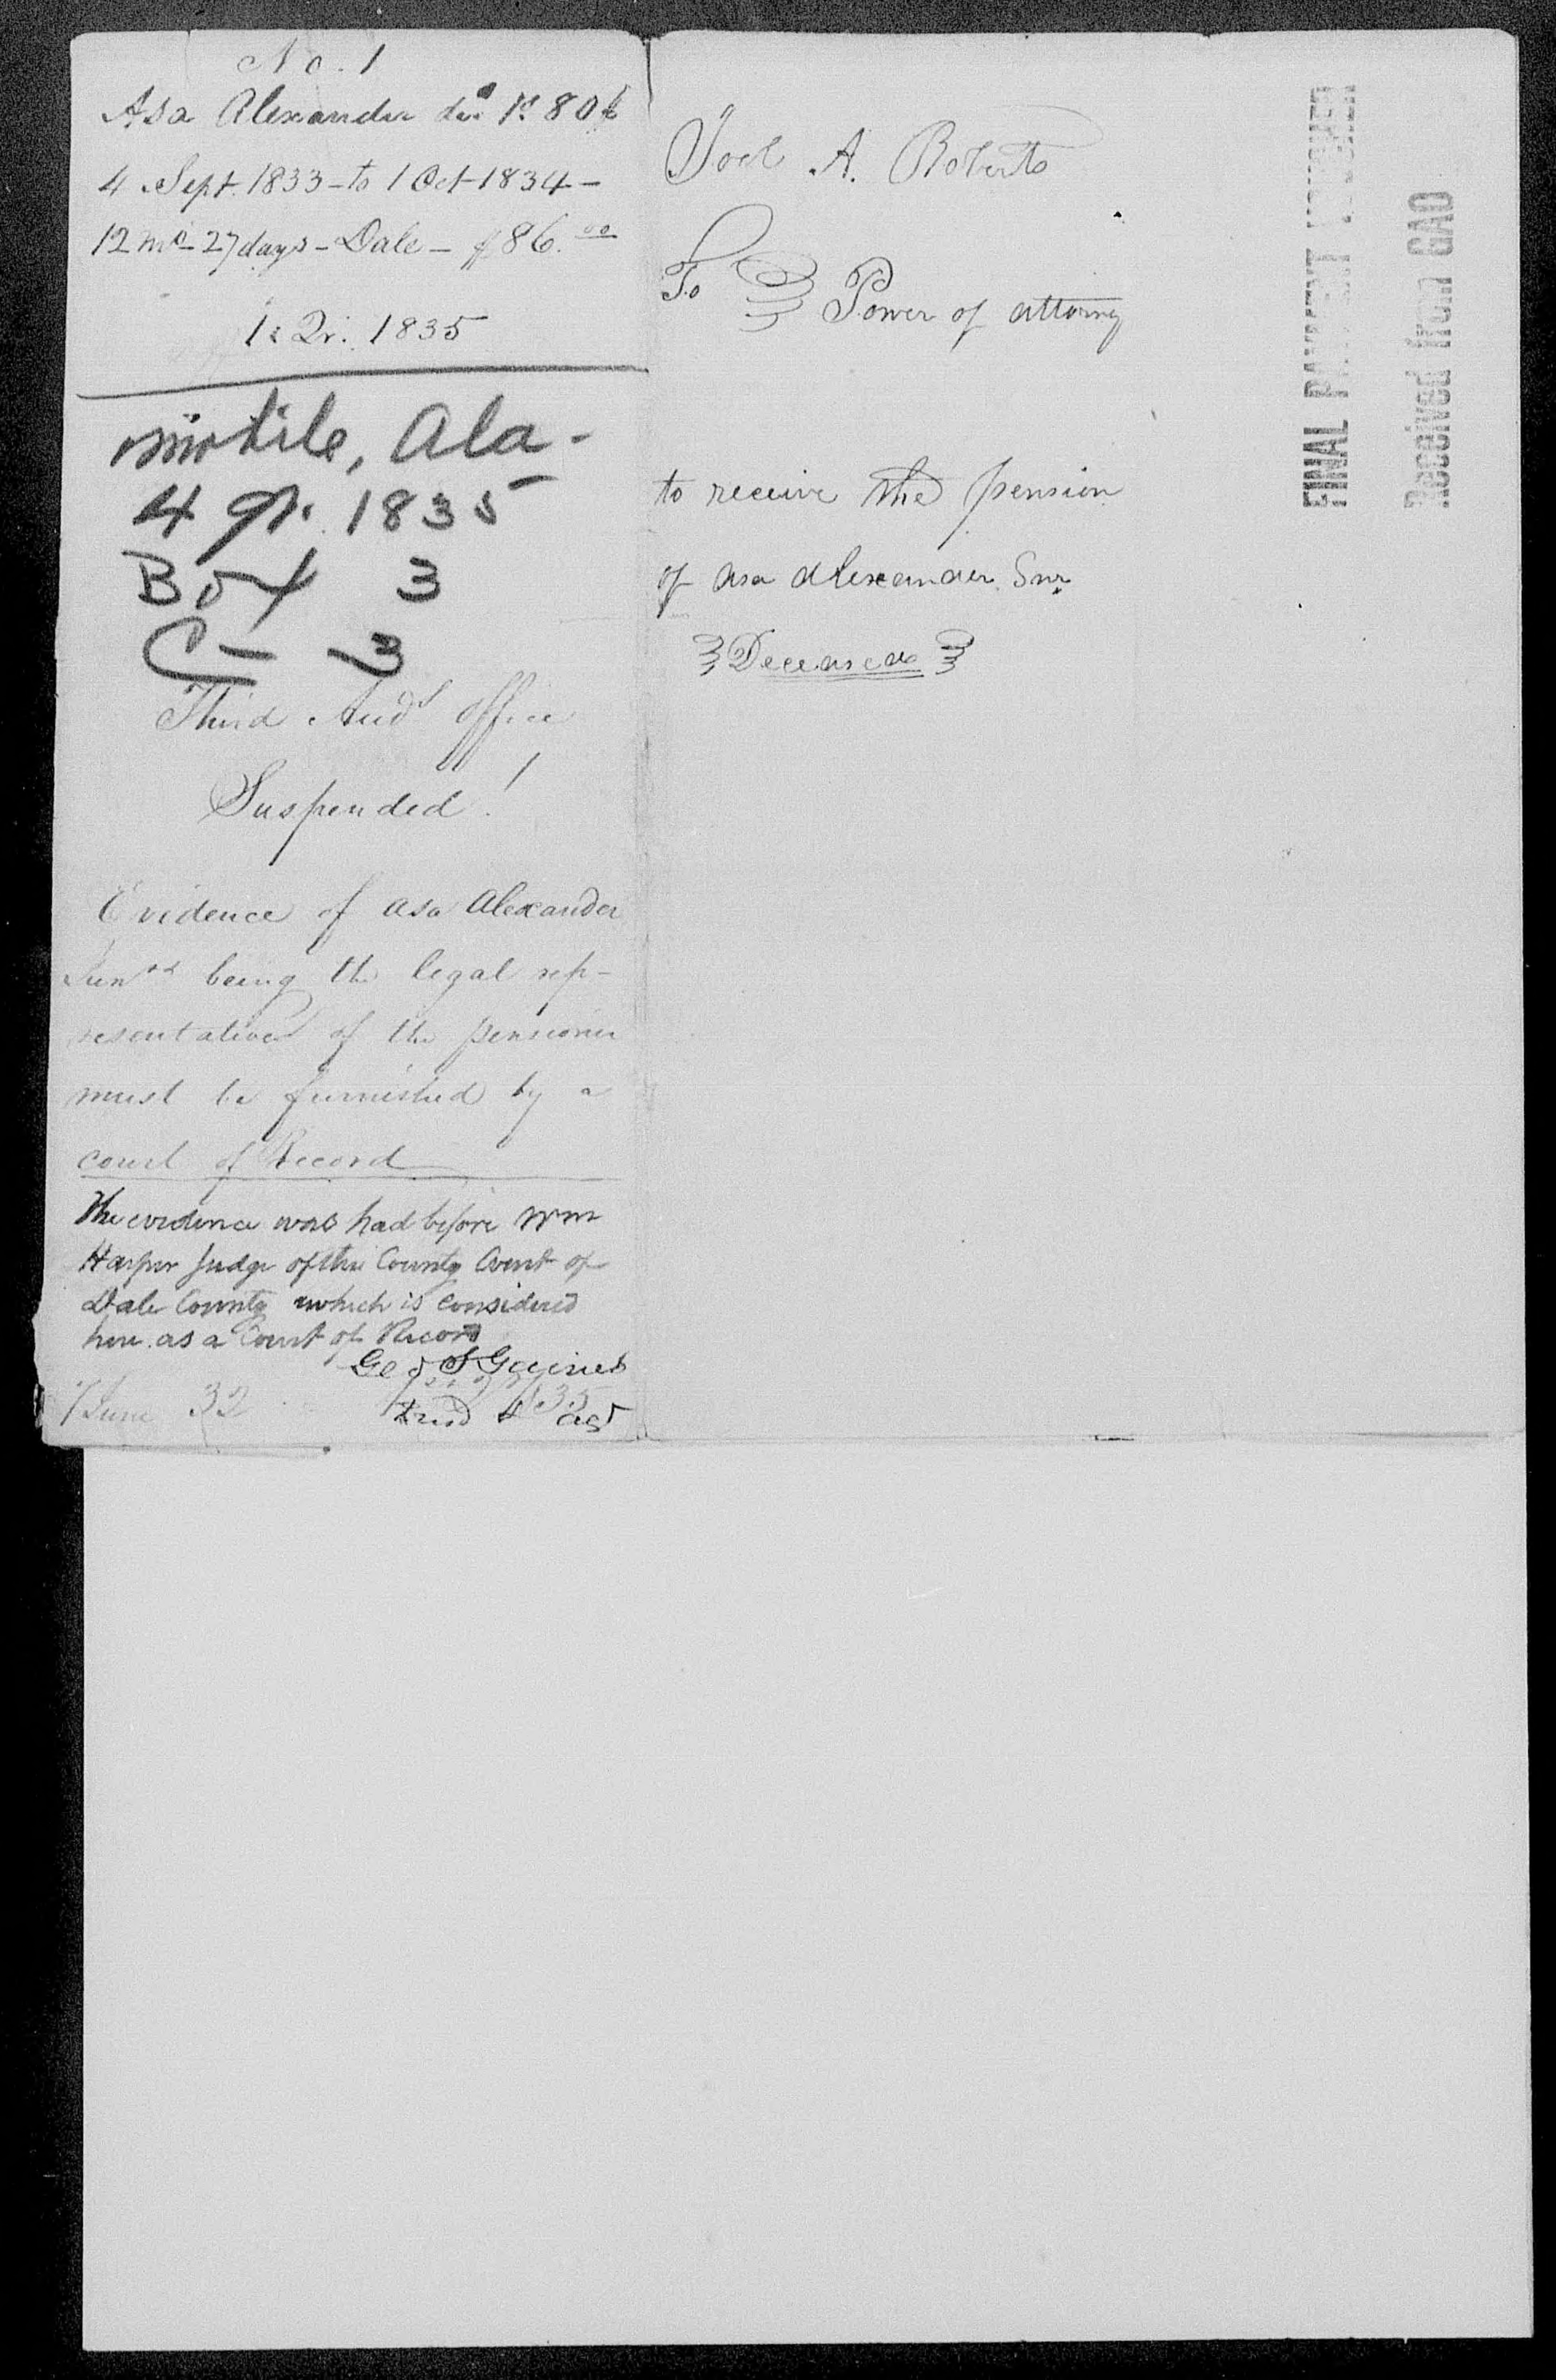[left side]
No. 1
Asa Alexander Ded 1. 806
4 Sept 1833-to 1 Oct 1834
12 mos 27 days- Date- $86.00
[illegible] 1835
Mobile, Ala
4 gr. 1835
Box 3
C-3
Third Aud Office
suspended
Evidence of Asa Alexander June being the legal representative of the pensioner must be furnished by a court of Record.
The evidence was had before Wm Harper Judge of the County Court of Dale County which is considered here as a Court of Record
Geo Gains
27835
[illegible] Agt
7 June 32
[right side]
Joel A. Roberts
To Power of Attorney 
To receive the pension
of Asa Alexander
3 December 
FINAL PAYMENT VOUCHER
Received from GAO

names: Wm Harper, Geo S Gaines, Asa Alexander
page: 18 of 35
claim: survivor's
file: S. 32092, Asa Alexander, Ga.